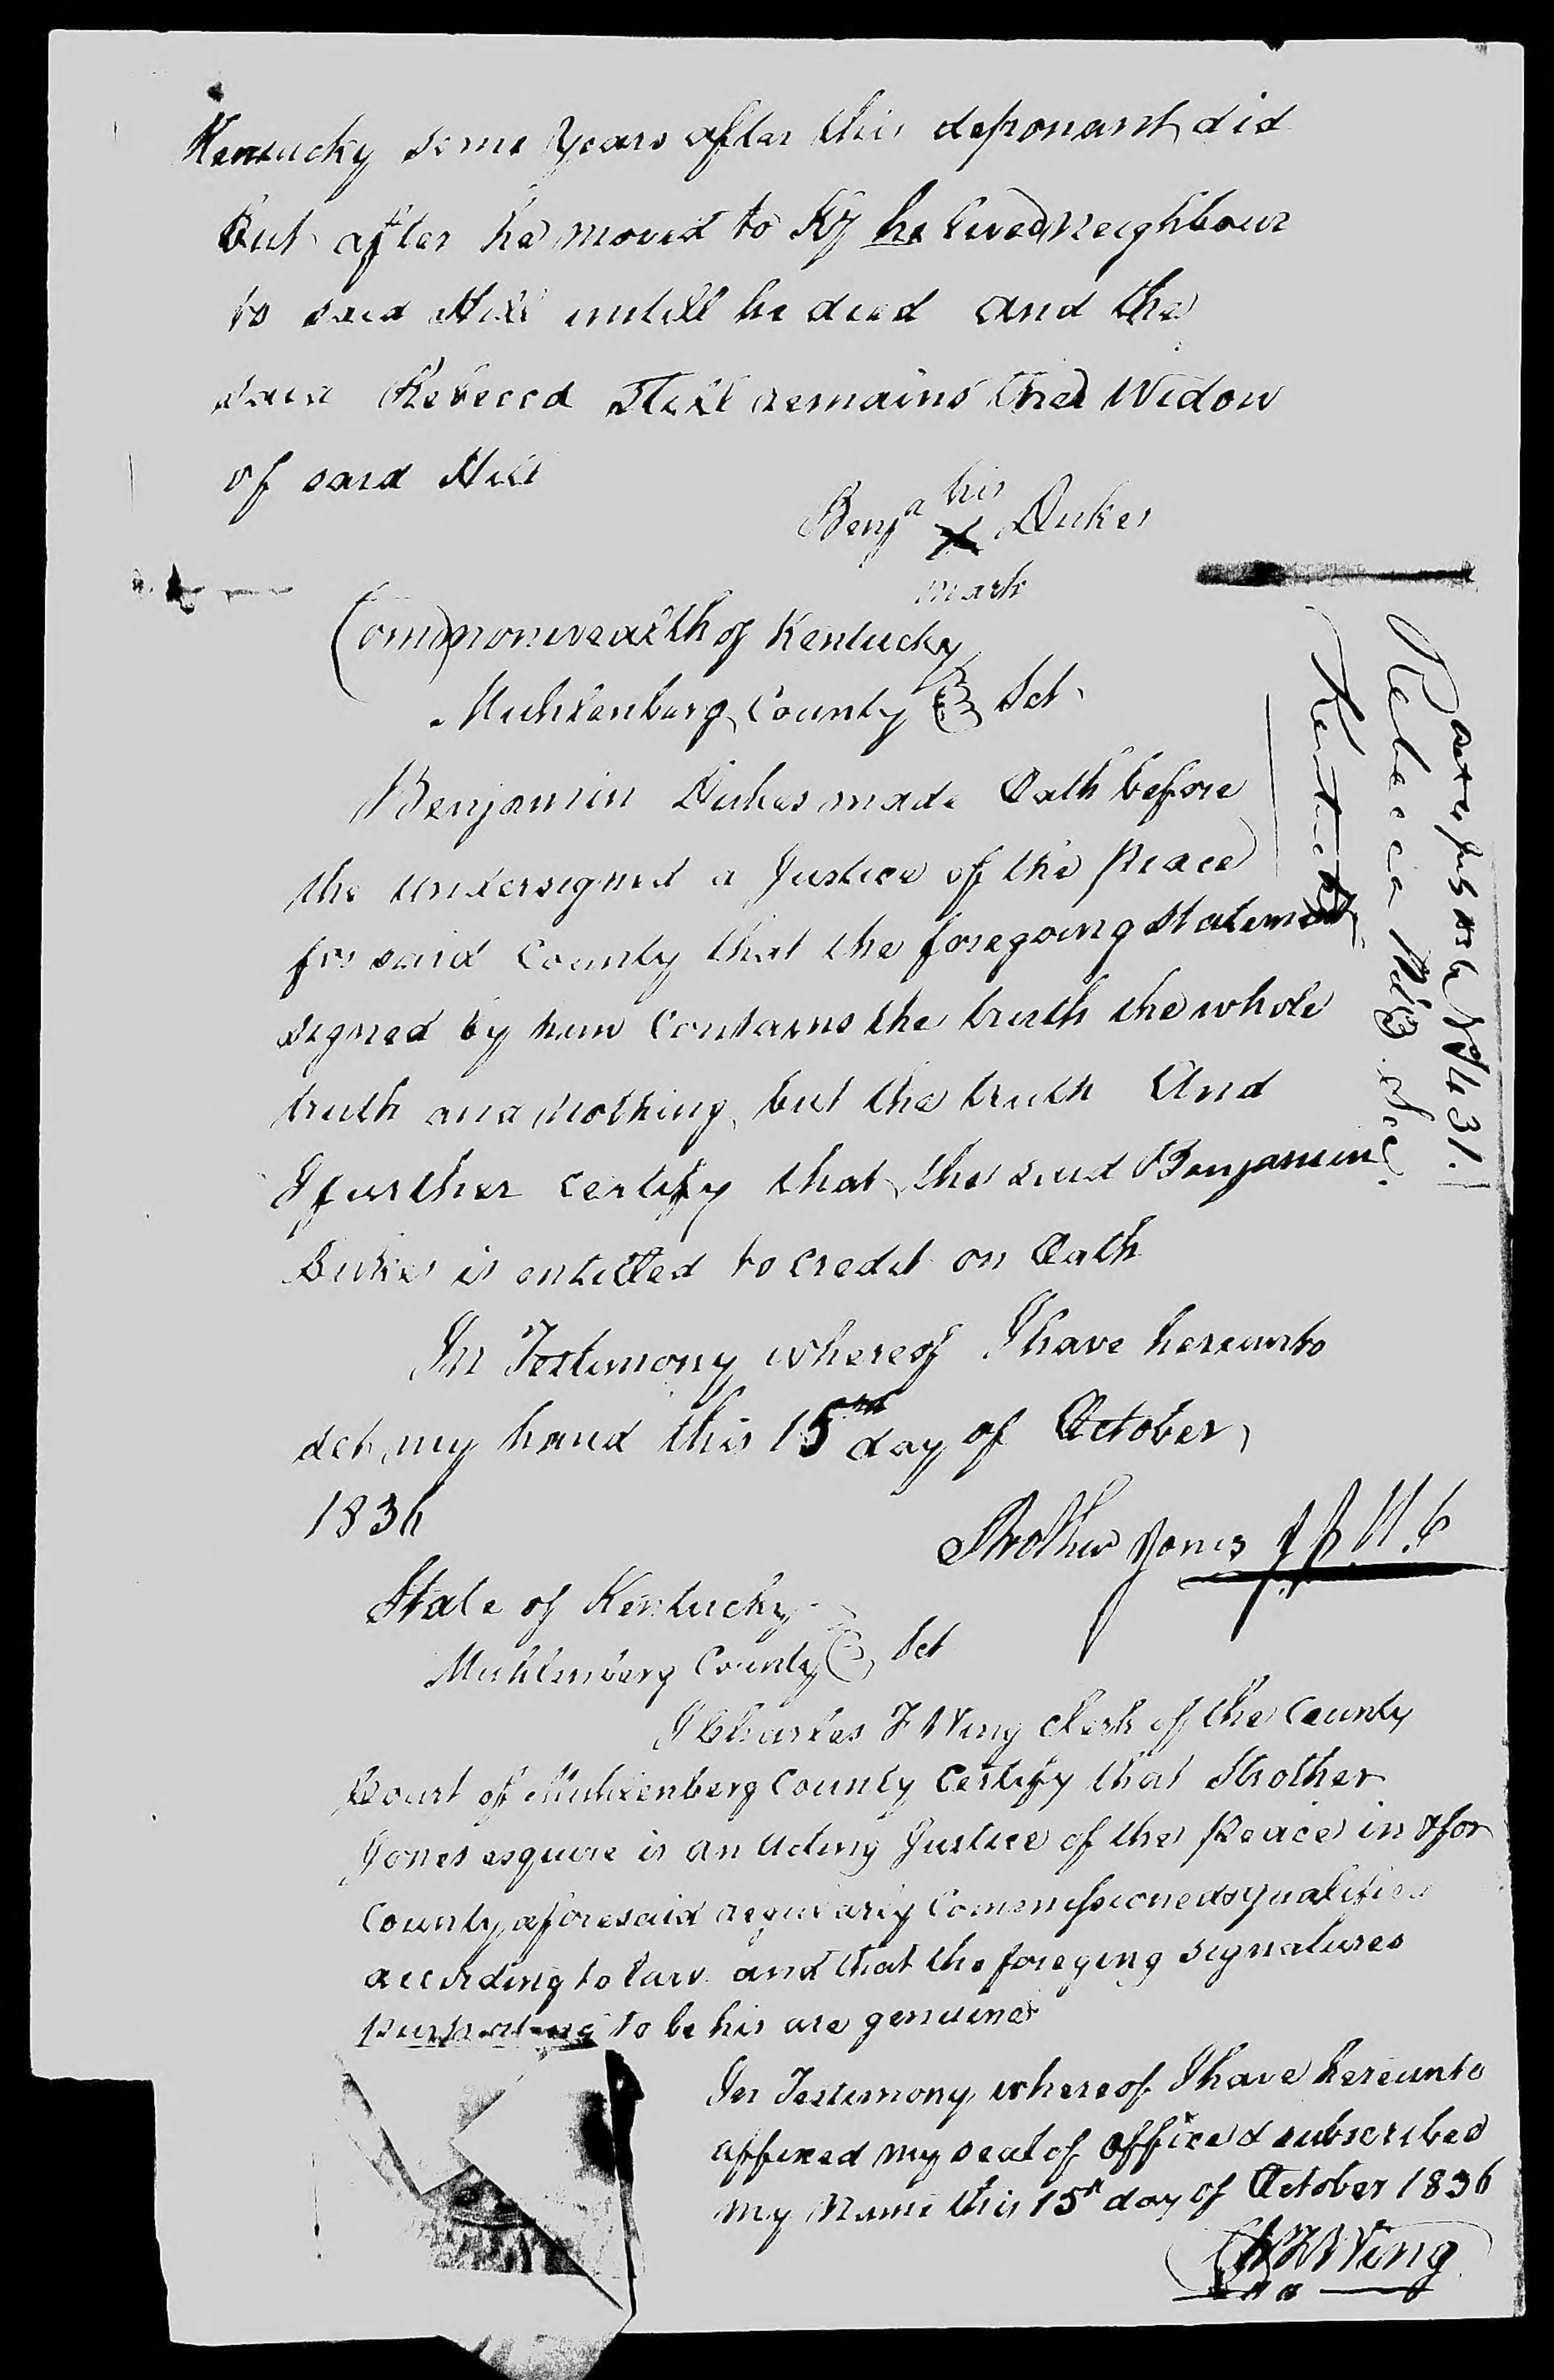Kentucky some years after this deponant [deponent] did but after he moved to Ky [Kentucky] he lived neighbour [neighbor] to said Hill untill [until] he died and the said Rebecca still remains the widow of said Hill.

Benja [Benjamin] [his x mark] Dukes 

Commonwealth of Kentucky}
Muhlenberg County} Sct 

Benjamin Dukes made Oath before the undersigned a Justice of the peace for said County that the foregoing statement signed by him contains the truth the whole truth and nothing but the truth And I further certify that the said Benjamin Dukes is entitled to credit on oath.
In Testimony whereof I have hereunto set my hand this 15th day of October, 1836
Strother Jones J P M C

State of Kentucky} 
Muhlenberg County} Sct 

I Charles F Wing Clerk of the County Court of Muhlenberg County certify that Strother Jones Esquire is an acting Justice of the peace in & for County aforesaid duly commissioned & qualified according to law and that the foregoing signatures purporting to be his are genuine.
In Testimony whereof I have hereunto affixed my seal of office & subscribed my name this 15th day of October 1836 
C F Wing

[written sideways] Act 6 July 1836 No1431 Rebecca Wd [Illegible] Kentucky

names: Rebecca, Benja Dukes, Strother Jones, Benjamin Dukes, Ch F Wing, Rebecca, Strother Jones, Hill, Benjamin Dukes, Charles F Wing, Hill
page: 20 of 27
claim: rejected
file: R. 5006, Richard Hill, N.C.